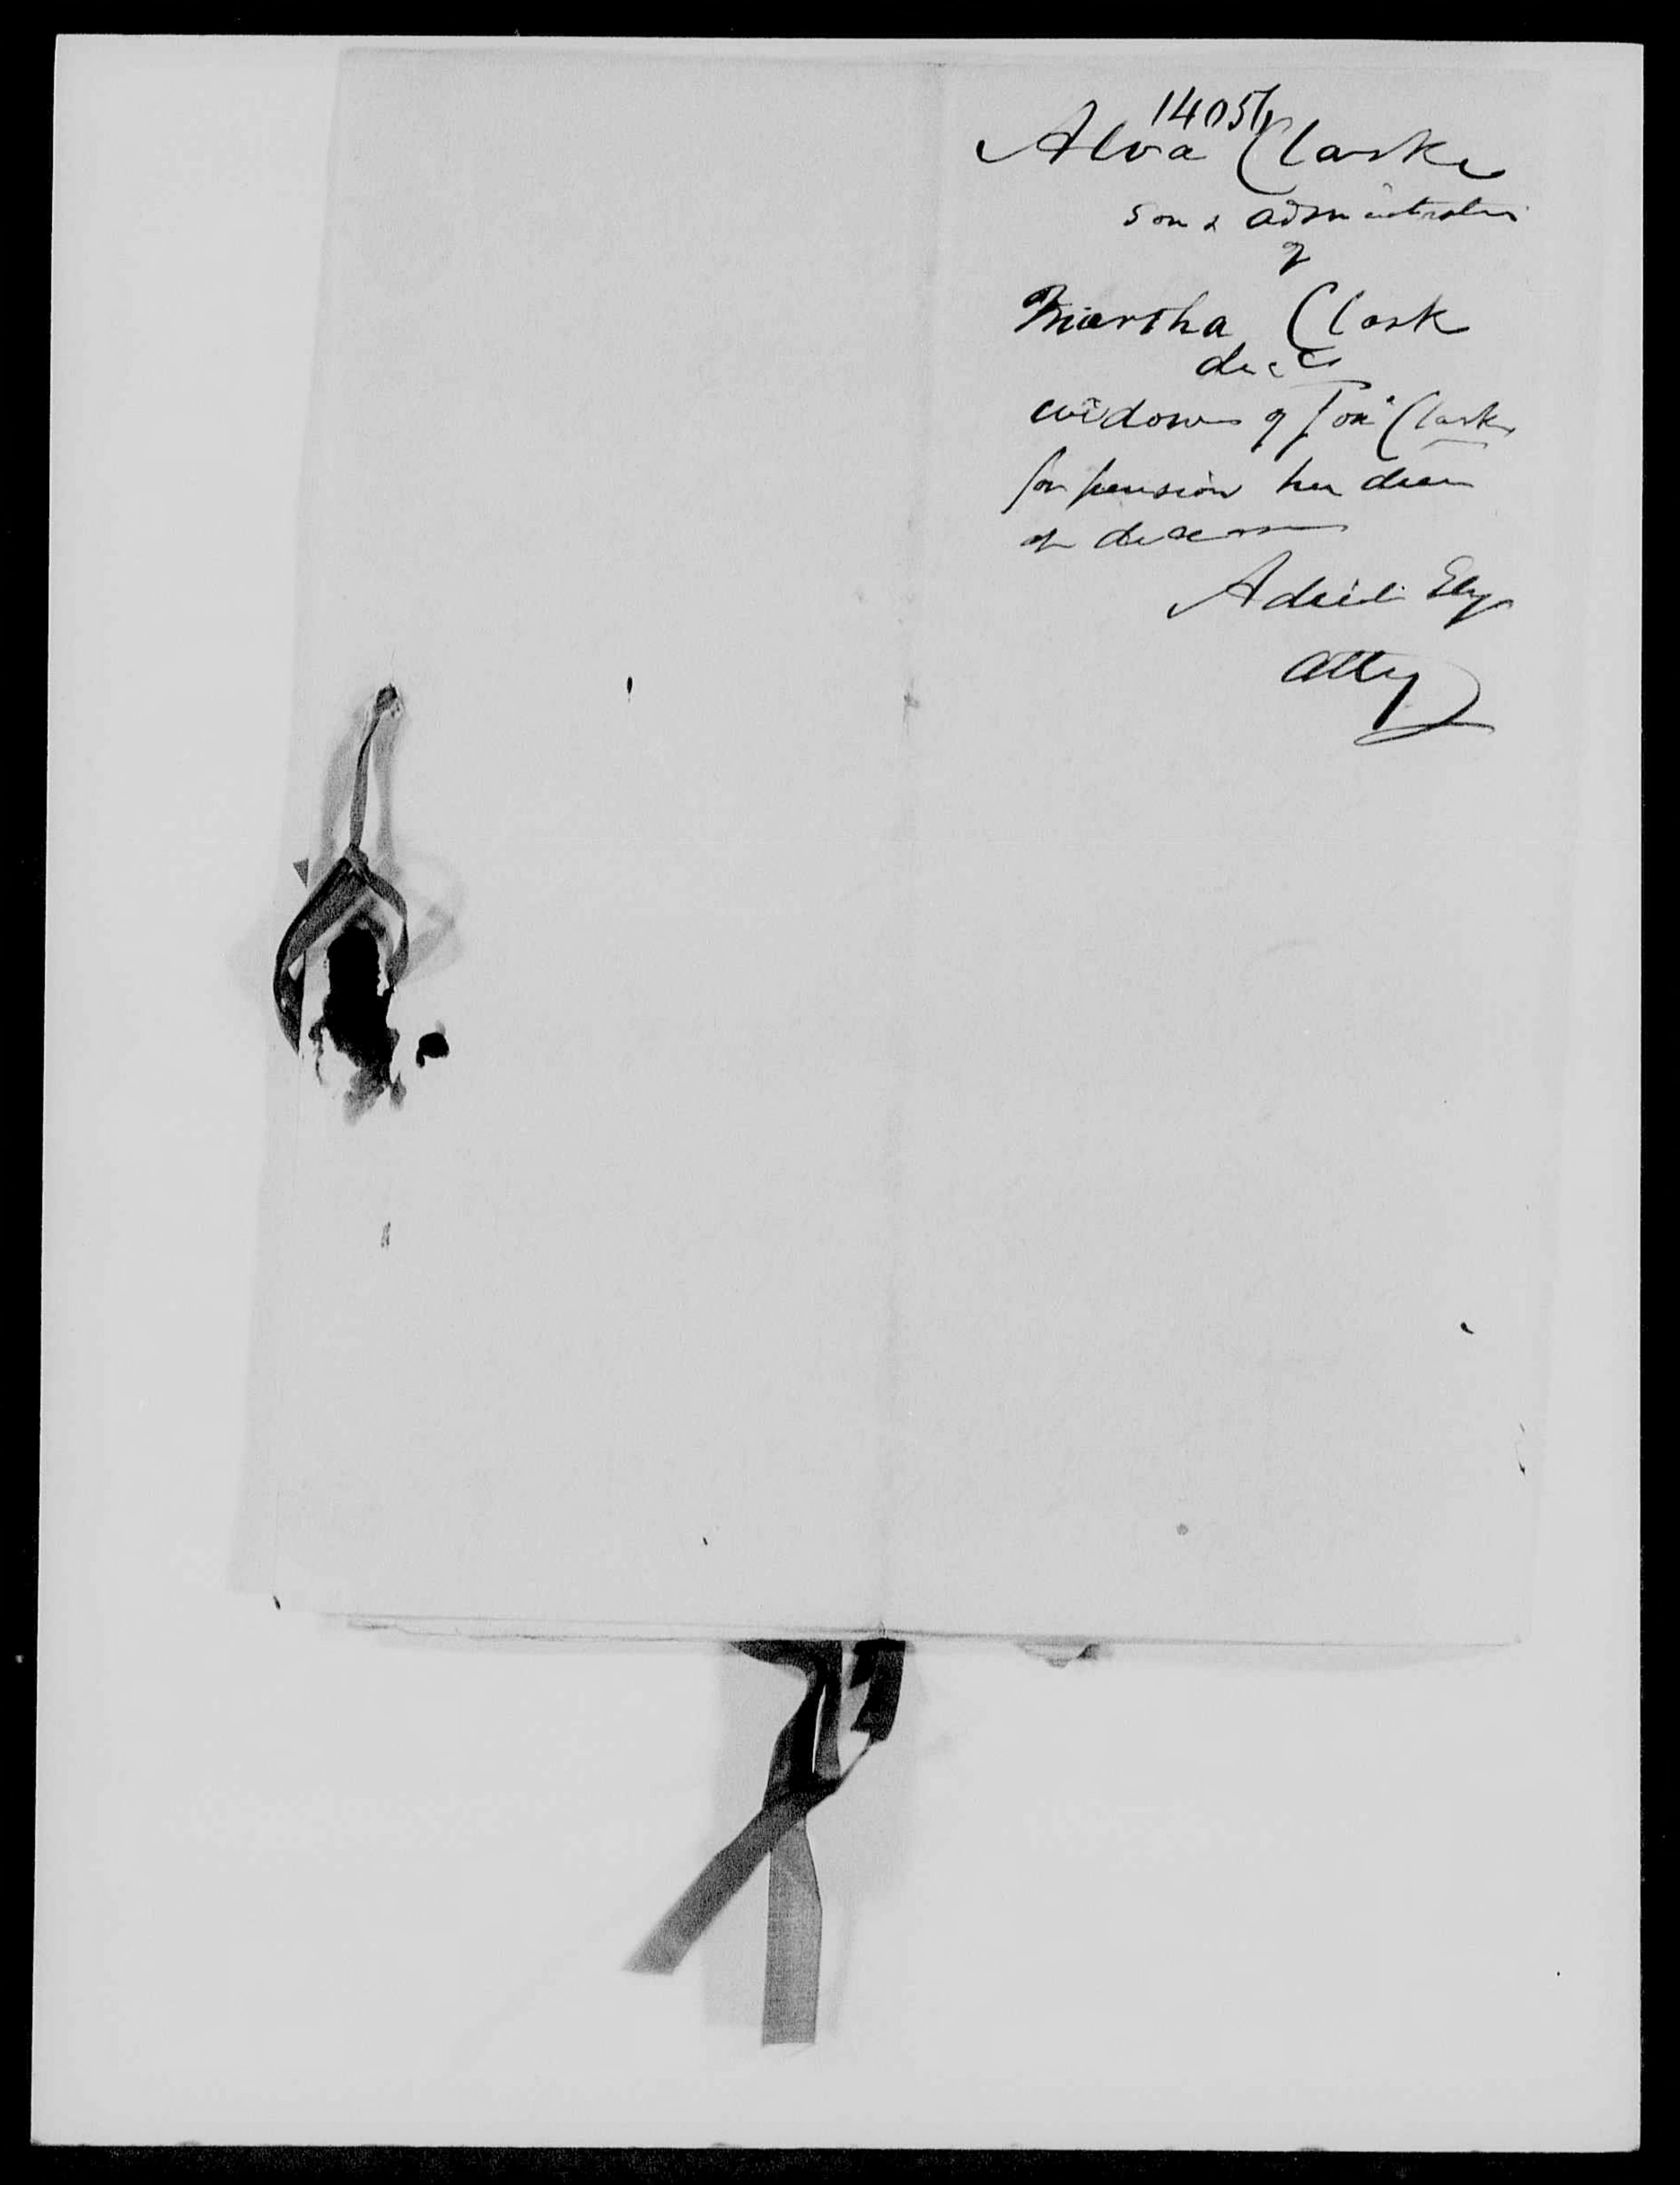14056
Alva Clarke
Son and Administrator of Martha Clark
desc

Widow of Jon Clark her dear

for penson of ....


Adeil Ely Atty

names: Adecil Ely, Martha Clark, Alva Clarke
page: 22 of 26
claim: rejected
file: R. 2001, Jonathan Clark, Conn.